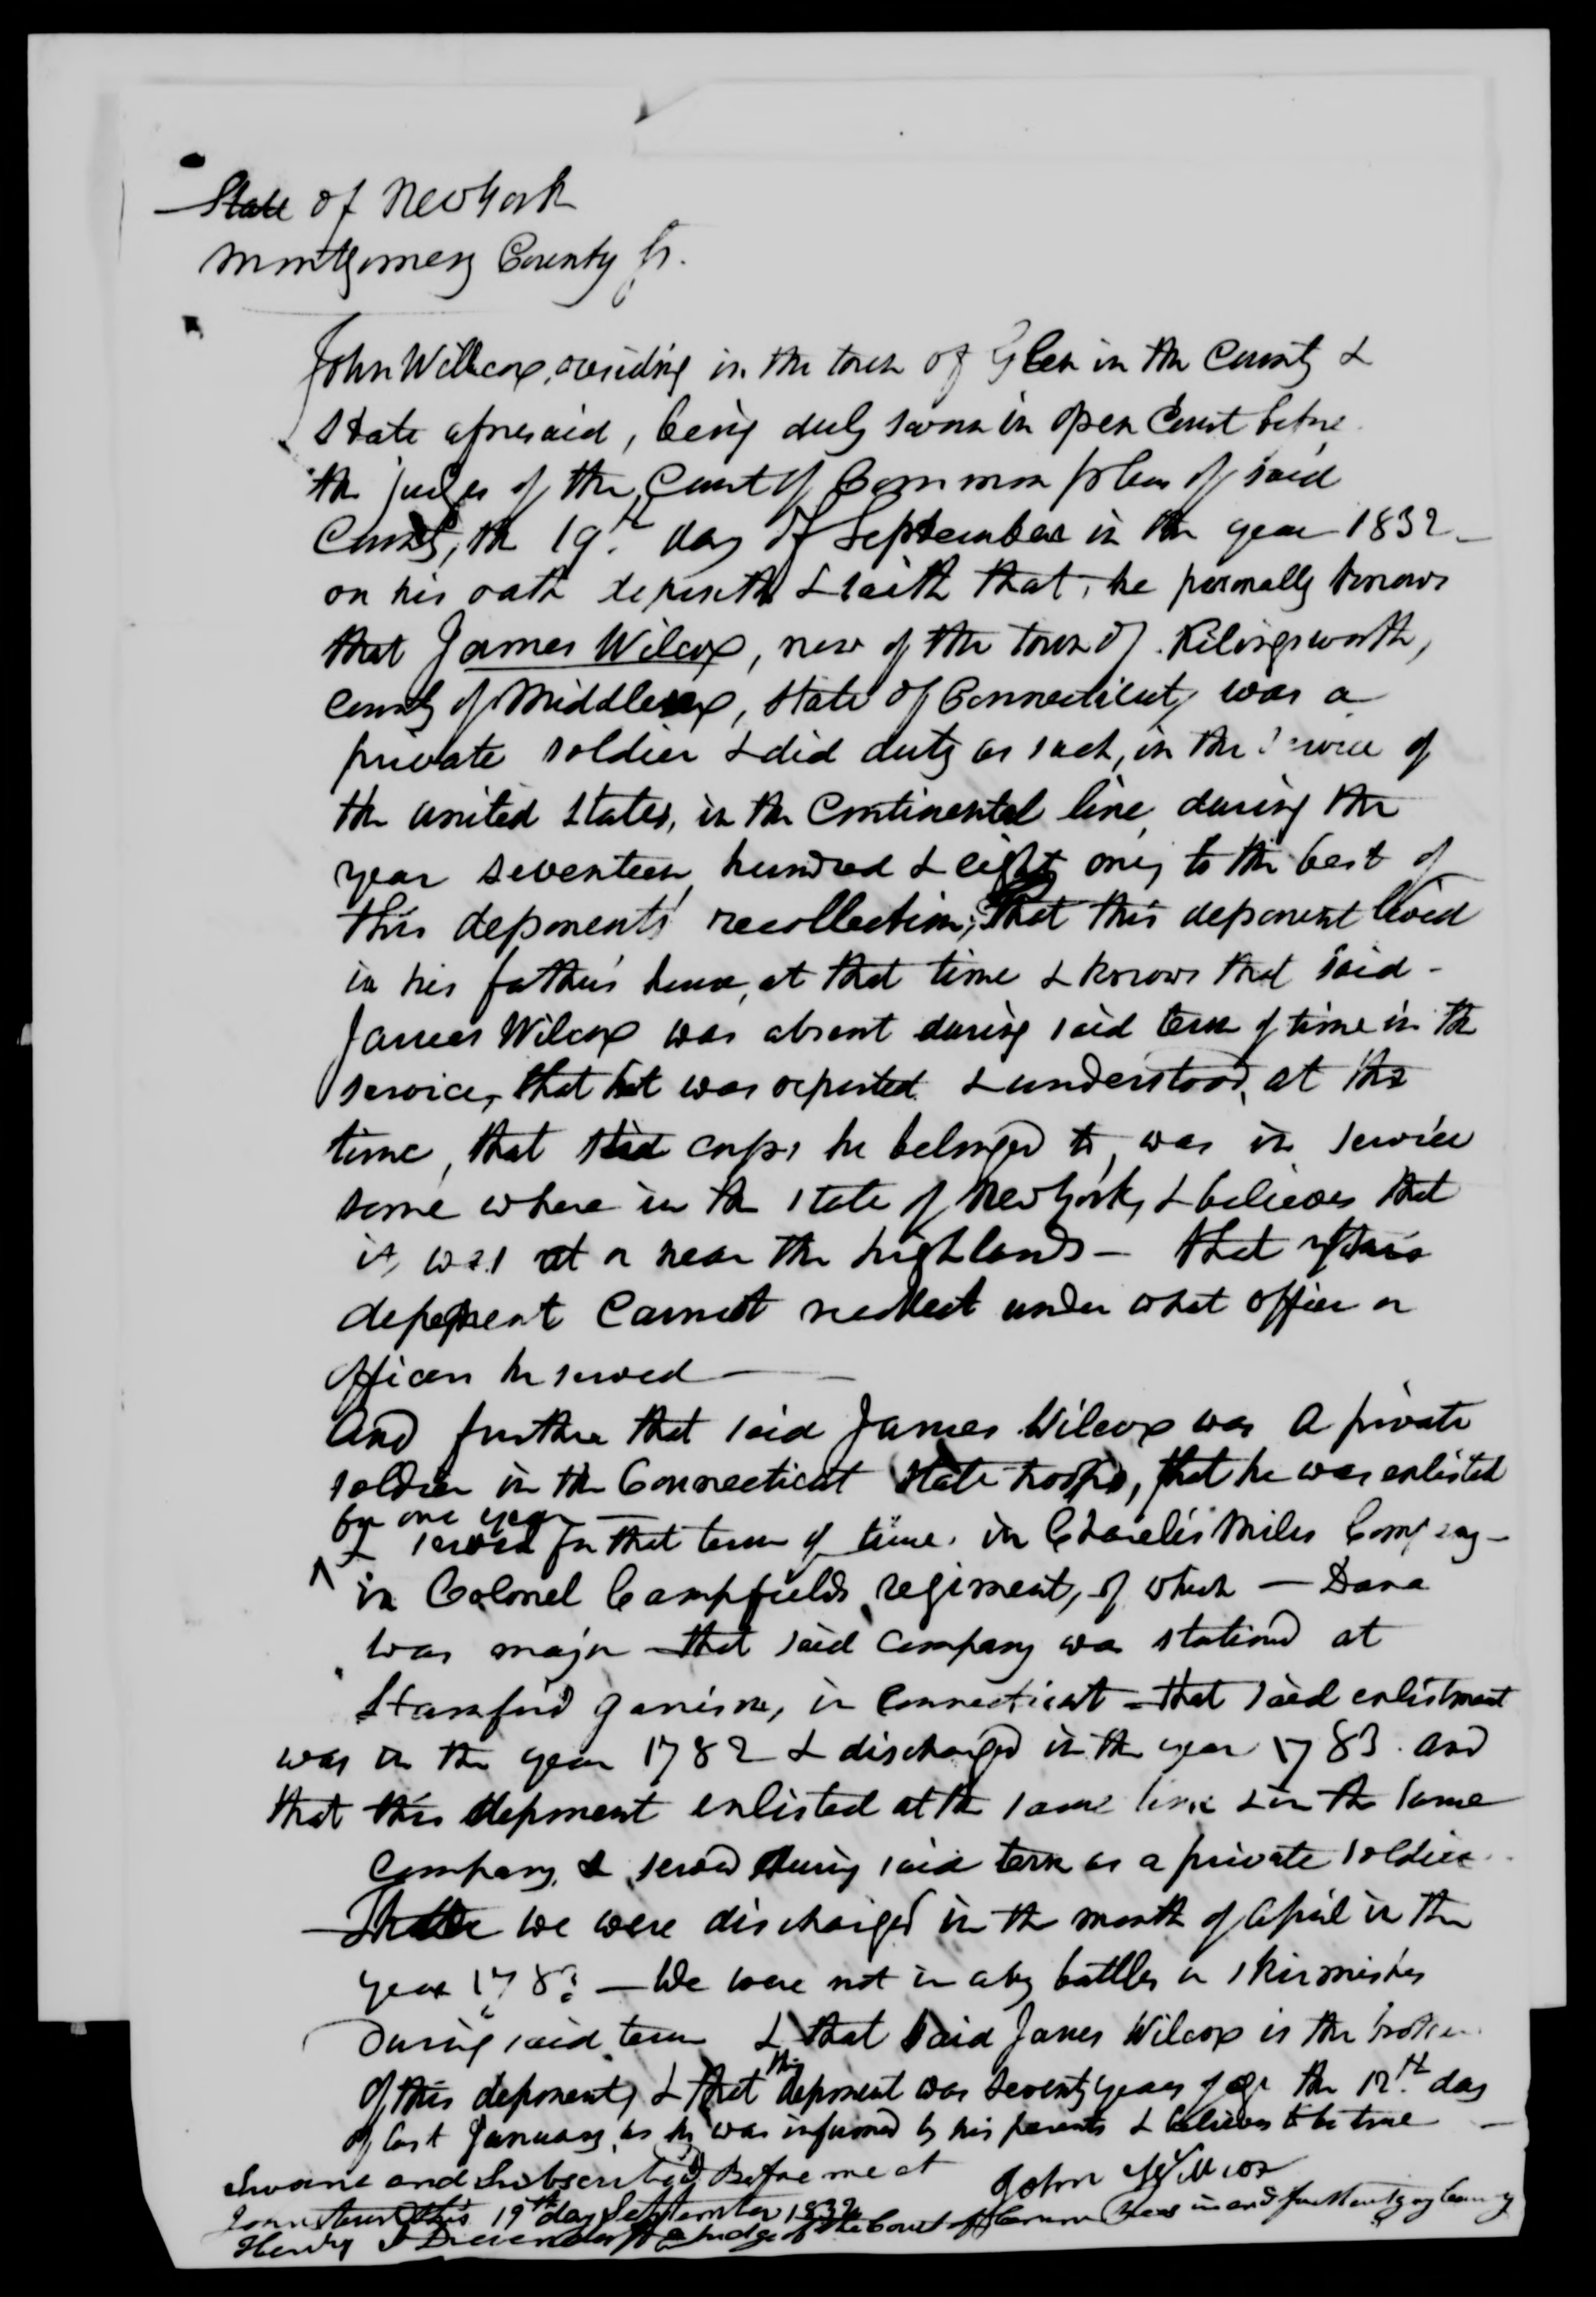State of New York
Montgomery County SS.
John Willcox residing in the town of Glen in the County & State aforesaid, being duly sworn in open Court before the judge of the Court of Common pleas of said court the 19th day of September in the year 1832 on his oath deposeth & saith that, he personally knows that James Wilcox, now of the town of Kilingsworth, county of Middlesex, State of Connecticut was a private soldier & did duty as each in the service of the United States, in the Continental line during the year seventeen hundred & eighty one to the best of  this deponents’ recollection; that this deponent lived in his fathers’ house, at that time & knows that said James Wilcox was absent during said term of time in the service, that he was ocpented & understood, at the time, that said corps, he belonged to, was in service some where in the state of New York & believed that it was at or near the highlands—that it was deponent cannot recolect under what office or officers he served___
And further that said James Wilcox was a private soldier in the Connecticut State troops, that he was enlisted for one year & served for that term of time, in Charles Miles Company— in Colonel Campfield regiment, of which —Dana was major that said Company was stationed at Stamford ganisr, in Connecticut that said enlistment was in the year 1782 & discharged in the year 1783 and that this stepment enlisted at the same time & in the same company & served during said term as a private soldier. Then we were discharged in the month of April in the year 1783–We were not in any battles or skirmishes during said term & that said James Wilcox is the soldier of this deponent & that this deponent was seventy years of age the 12th day of last January as he was informed by his parents & believes to be true—
Sworn and Subscribed before me at Johnstown this 19th day September 1832
Henry I Dievendorf a judge of the Court of Common Pleas in and for Montgomery County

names: Henry J Devendorff, Dana, James Wilcox, John Willcox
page: 25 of 46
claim: widow's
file: W. 18,417, James Willcox, Conn.